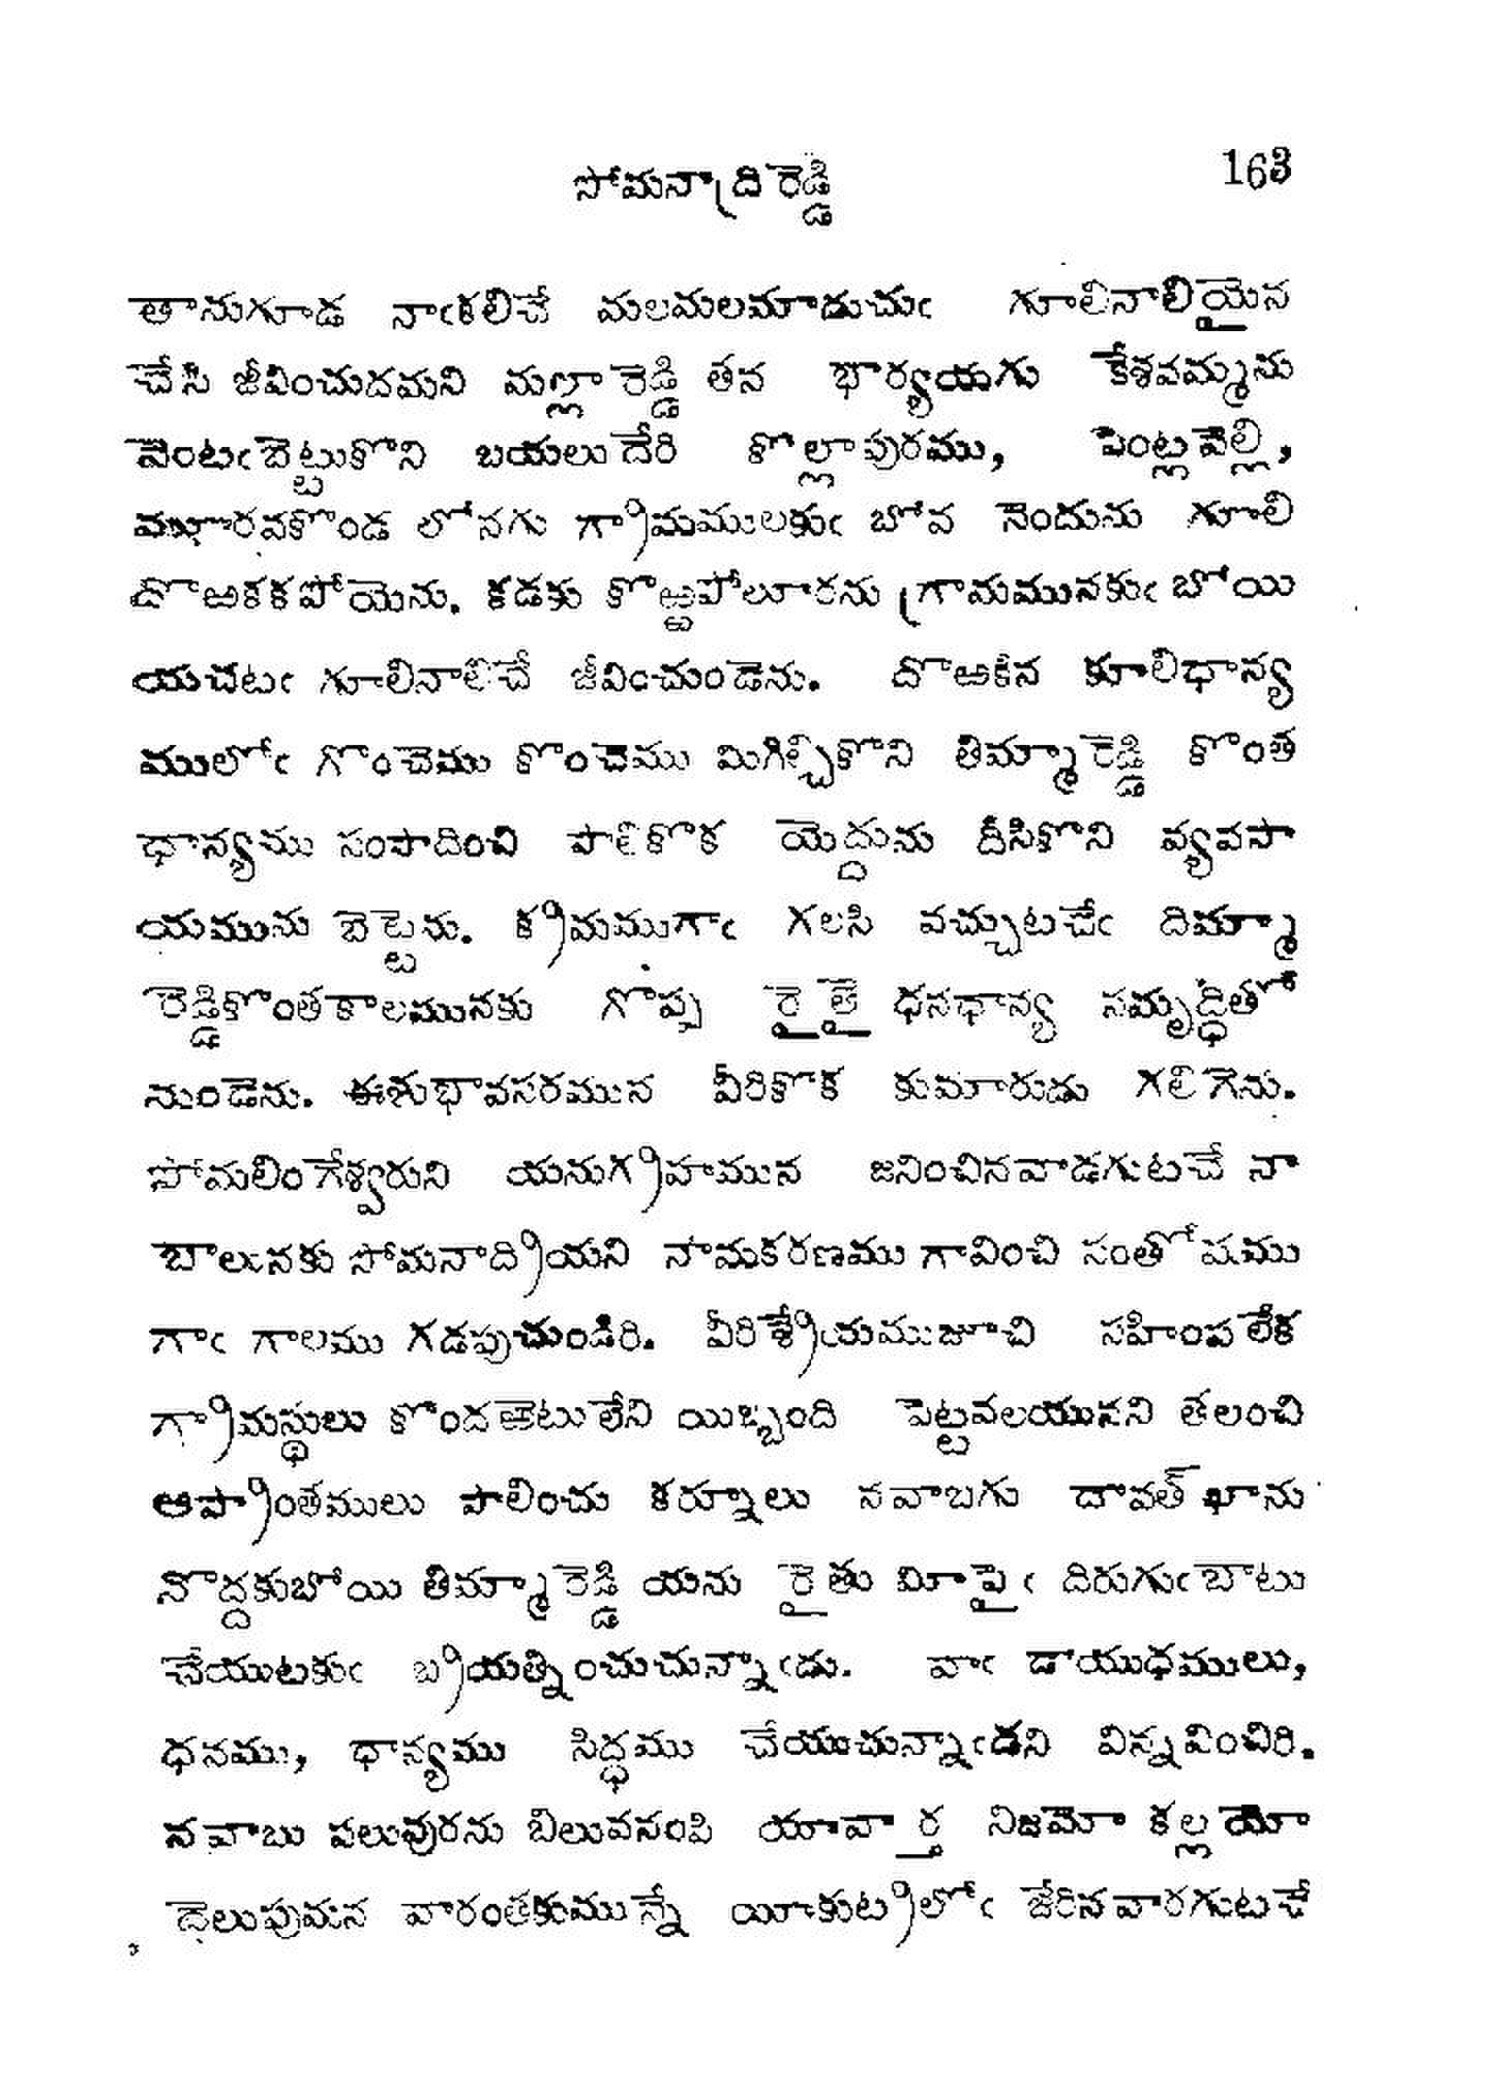తానుగూడ నాకలిచే మలమలమాడుచు గూలినాలియైన చేసి జీవించుదమని మల్లారెడ్డి తన భార్యయగు కేశవమ్మను వెంటబెట్టుకొని బయలుదేరి కొల్లాపురము, పెంట్లవెల్లి, మూరవకొండ లోనగు గ్రామములకు బోవ నెందును గూలి దొఱకకపోయెను. కడకు కొఱ్ఱపోలూరను గ్రామమునకు బోయి యచట గూలినాలిచే జీవించుచుండెను. దొఱకిన కూలిధాన్యములో గొంచెము కొంచెము మిగిల్చికొని తిమ్మారెడ్డి కొంతధాన్యము సంపాదించి పాలికొక యెద్దును దీసికొని వ్యవసాయమును బెట్టెను. క్రమముగా గలసి వచ్చుటచే దిమ్మారెడ్డికొంతకాలమునకు గొప్ప రైతై ధనధాన్య సమృద్ధితో నుండెను. ఈశుభావసరమున వీరికొక కుమారుడు గలిగెను. సోమలింగేశ్వరుని యనుగ్రహమున జనించినవాడగుటచే నాబాలునకు సోమనాద్రియని నామకరణము గావించి సంతోషముగా గాలము గడుపుచుండిరి. వీరిశ్రేయముజూచి సహింపలేక గ్రామస్థులు కొందఱెటులేని యిబ్బంది పెట్టవలయునని తలంచి ఆప్రాంతములు పాలించు కర్నూలు నవాబగు దావత్‌ఖాను నొద్దకుబోయి తిమ్మారెడ్డి యను రైతు మీపై దిరుగుబాటు చేయుటకు బ్రయత్నించుచున్నాడు. వా డాయుధములు, ధనము, ధాన్యము సిద్ధము చేయుచున్నాడని విన్నవించిరి. నవాబు పలువురను బిలువనంపి యావార్త నిజమో కల్లయో దెలుపుమన వారంతకుమున్నే యీకుట్రలో జేరినవారగుటచే